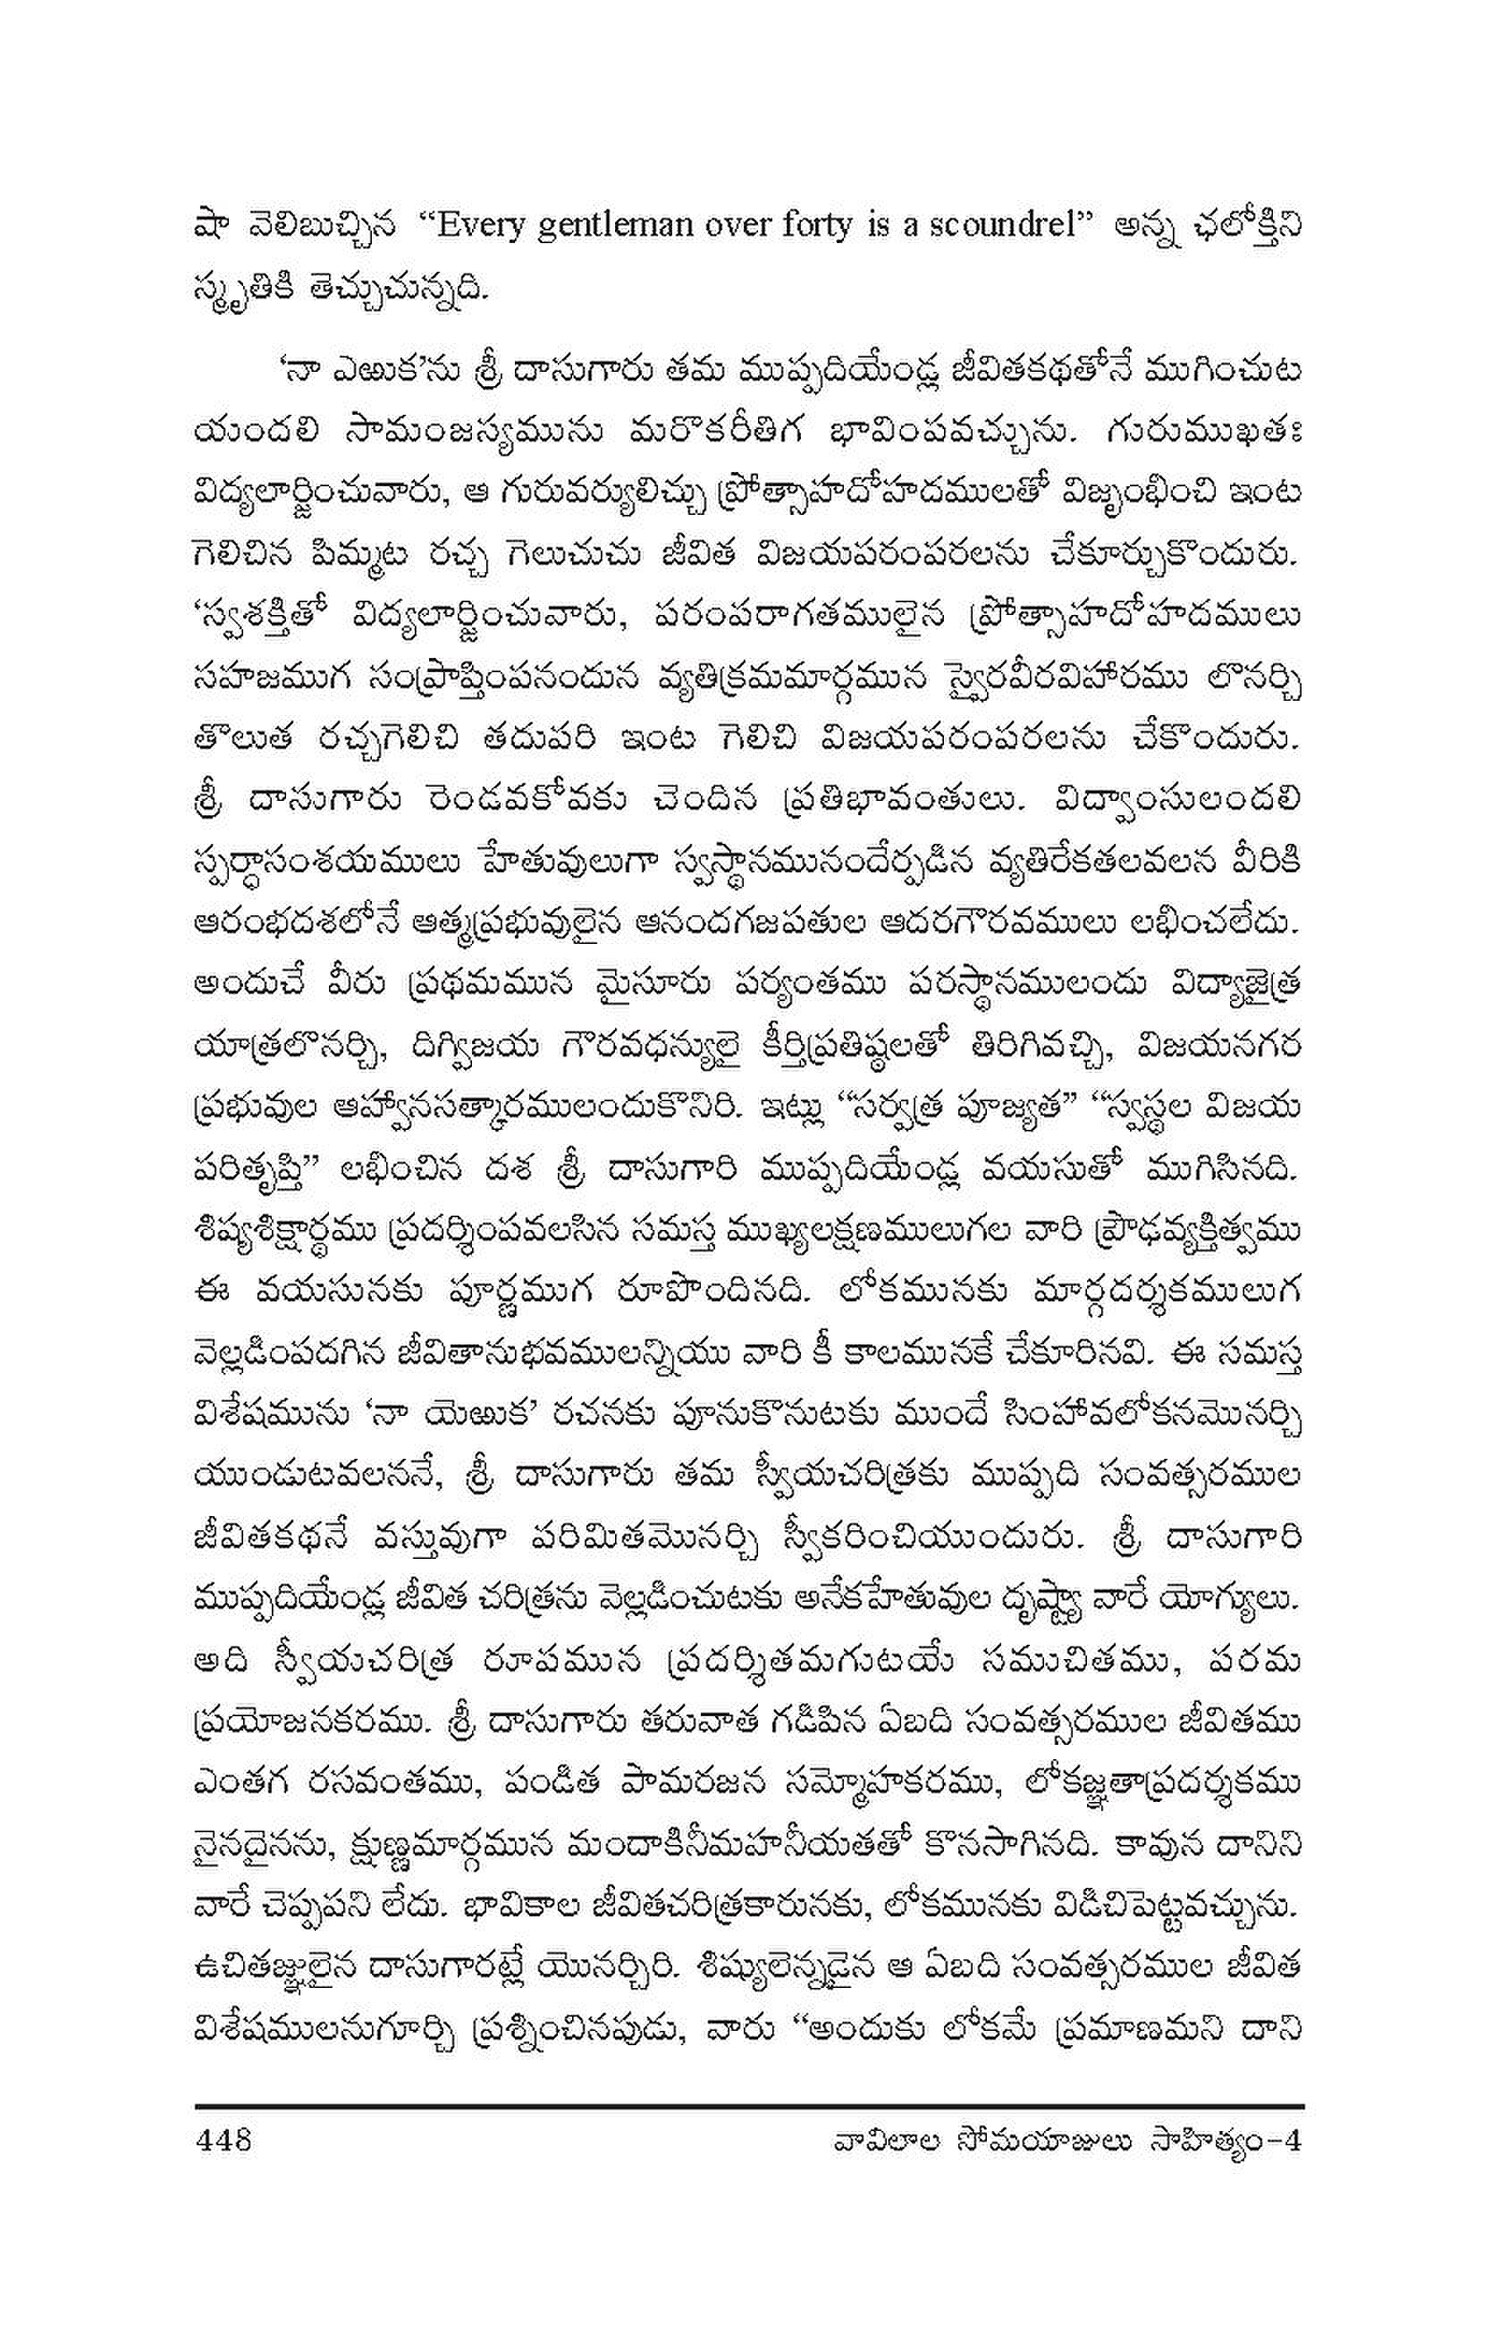షా వెలిబుచ్చిన "Every gentleman over forty is a scoundrel" అన్న ఛలోక్తిని
స్మృతికి తెచ్చుచున్నది.

'నా ఎఱుక'ను శ్రీ దాసుగారు తమ ముప్పదియేండ్ల జీవితకథతోనే ముగించుట
యందలి సామంజస్యమును మరొకరీతిగ భావింపవచ్చును. గురుముఖతః
విద్యలార్జించువారు, ఆ గురువర్యులిచ్చు ప్రోత్సాహదోహదములతో విజృంభించి ఇంట
గెలిచిన పిమ్మట రచ్చ గెలుచుచు జీవిత విజయపరంపరలను చేకూర్చుకొందురు.
'స్వశక్తితో విద్యలార్జించువారు, పరంపరాగతములైన ప్రోత్సాహదోహదములు
సహజముగ సంప్రాప్తింపనందున వ్యతిక్రమమార్గమున స్వైర వీరవిహారము లొనర్చి
తొలుత రచ్చగెలిచి తదుపరి ఇంట గెలిచి విజయపరంపరలను చేకొందురు.
శ్రీ దాసుగారు రెండవకోవకు చెందిన ప్రతిభావంతులు. విద్వాంసులందలి
స్పర్ధసంశయములు హేతువులుగా స్వస్థానమునందేర్పడిన వ్యతిరేకతలవలన వీరికి
ఆరంభదశలోనే ఆత్మప్రభువులైన ఆనందగజపతుల ఆదరగౌరవములు లభించలేదు.
అందుచే వీరు ప్రథమమున మైసూరు పర్యంతము పరస్థానములందు విద్యాజైత్ర
యాత్రలొనర్చి, దిగ్విజయ గౌరవధన్యులై కీర్తిప్రతిష్ఠలతో తిరిగివచ్చి, విజయనగర
ప్రభువుల ఆహ్వానసత్కారములందుకొనిరి. ఇట్లు "సర్వత్ర పూజ్యత" "స్వస్థల విజయ
పరితృప్తి" లభించిన దశ శ్రీ దాసుగారి ముప్పదియేండ్ల వయసుతో ముగిసినది.
శిష్యశిక్షార్థము ప్రదర్శింపవలసిన సమస్త ముఖ్యలక్షణములుగల వారి ప్రౌఢవ్యక్తిత్వము
ఈ వయసునకు పూర్ణముగ రూపొందినది. లోకమునకు మార్గదర్శకములుగ
వెల్లడింపదగిన జీవితానుభవములన్నియు వారి కీ కాలమునకే చేకూరినవి. ఈ సమస్త
విశేషమును 'నా యెఱుక' రచనకు పూనుకొనుటకు ముందే సింహావలోకనమొనర్చి
యుండుటవలననే, శ్రీ దాసుగారు తమ స్వీయచరిత్రకు ముప్పది సంవత్సరముల
జీవితకథనే వస్తువుగా పరిమితమొనర్చి స్వీకరించియుందురు. శ్రీ దాసుగారి
ముప్పదియేండ్ల జీవిత చరిత్రను వెల్లడించుటకు అనేకహేతువులు దృష్ట్యా వారే యోగ్యులు.
అది స్వీయచరిత్ర రూపమున ప్రదర్శితమగుటయే సముచితము, పరమ
ప్రయోజనకరము. శ్రీ దాసుగారు తరువాత గడిపిన ఏబది సంవత్సరముల జీవితము
ఎంతగ రసవంతము, పండిత పామరజన సమ్మోహకరము, లోకజ్ఞతాప్రదర్శకము
నైనదైనను, క్షుణ్ణమార్గమున మందాకినీ మహనీయతతో కొనసాగినది. కావున దానిని
వారే చెప్పపని లేదు. భావికాల జీవితచరిత్రకారునకు, లోకమునకు విడిచిపెట్టవచ్చును.
ఉచితజ్ఞులైన దాసుగారట్లే యొనర్చిరి. శిష్యులెన్నడైన ఆ ఏబది సంవత్సరముల జీవిత
విశేషములనుగూర్చి ప్రశ్నించినపుడు, వారు "అందుకు లోకమే ప్రమాణమని దాని